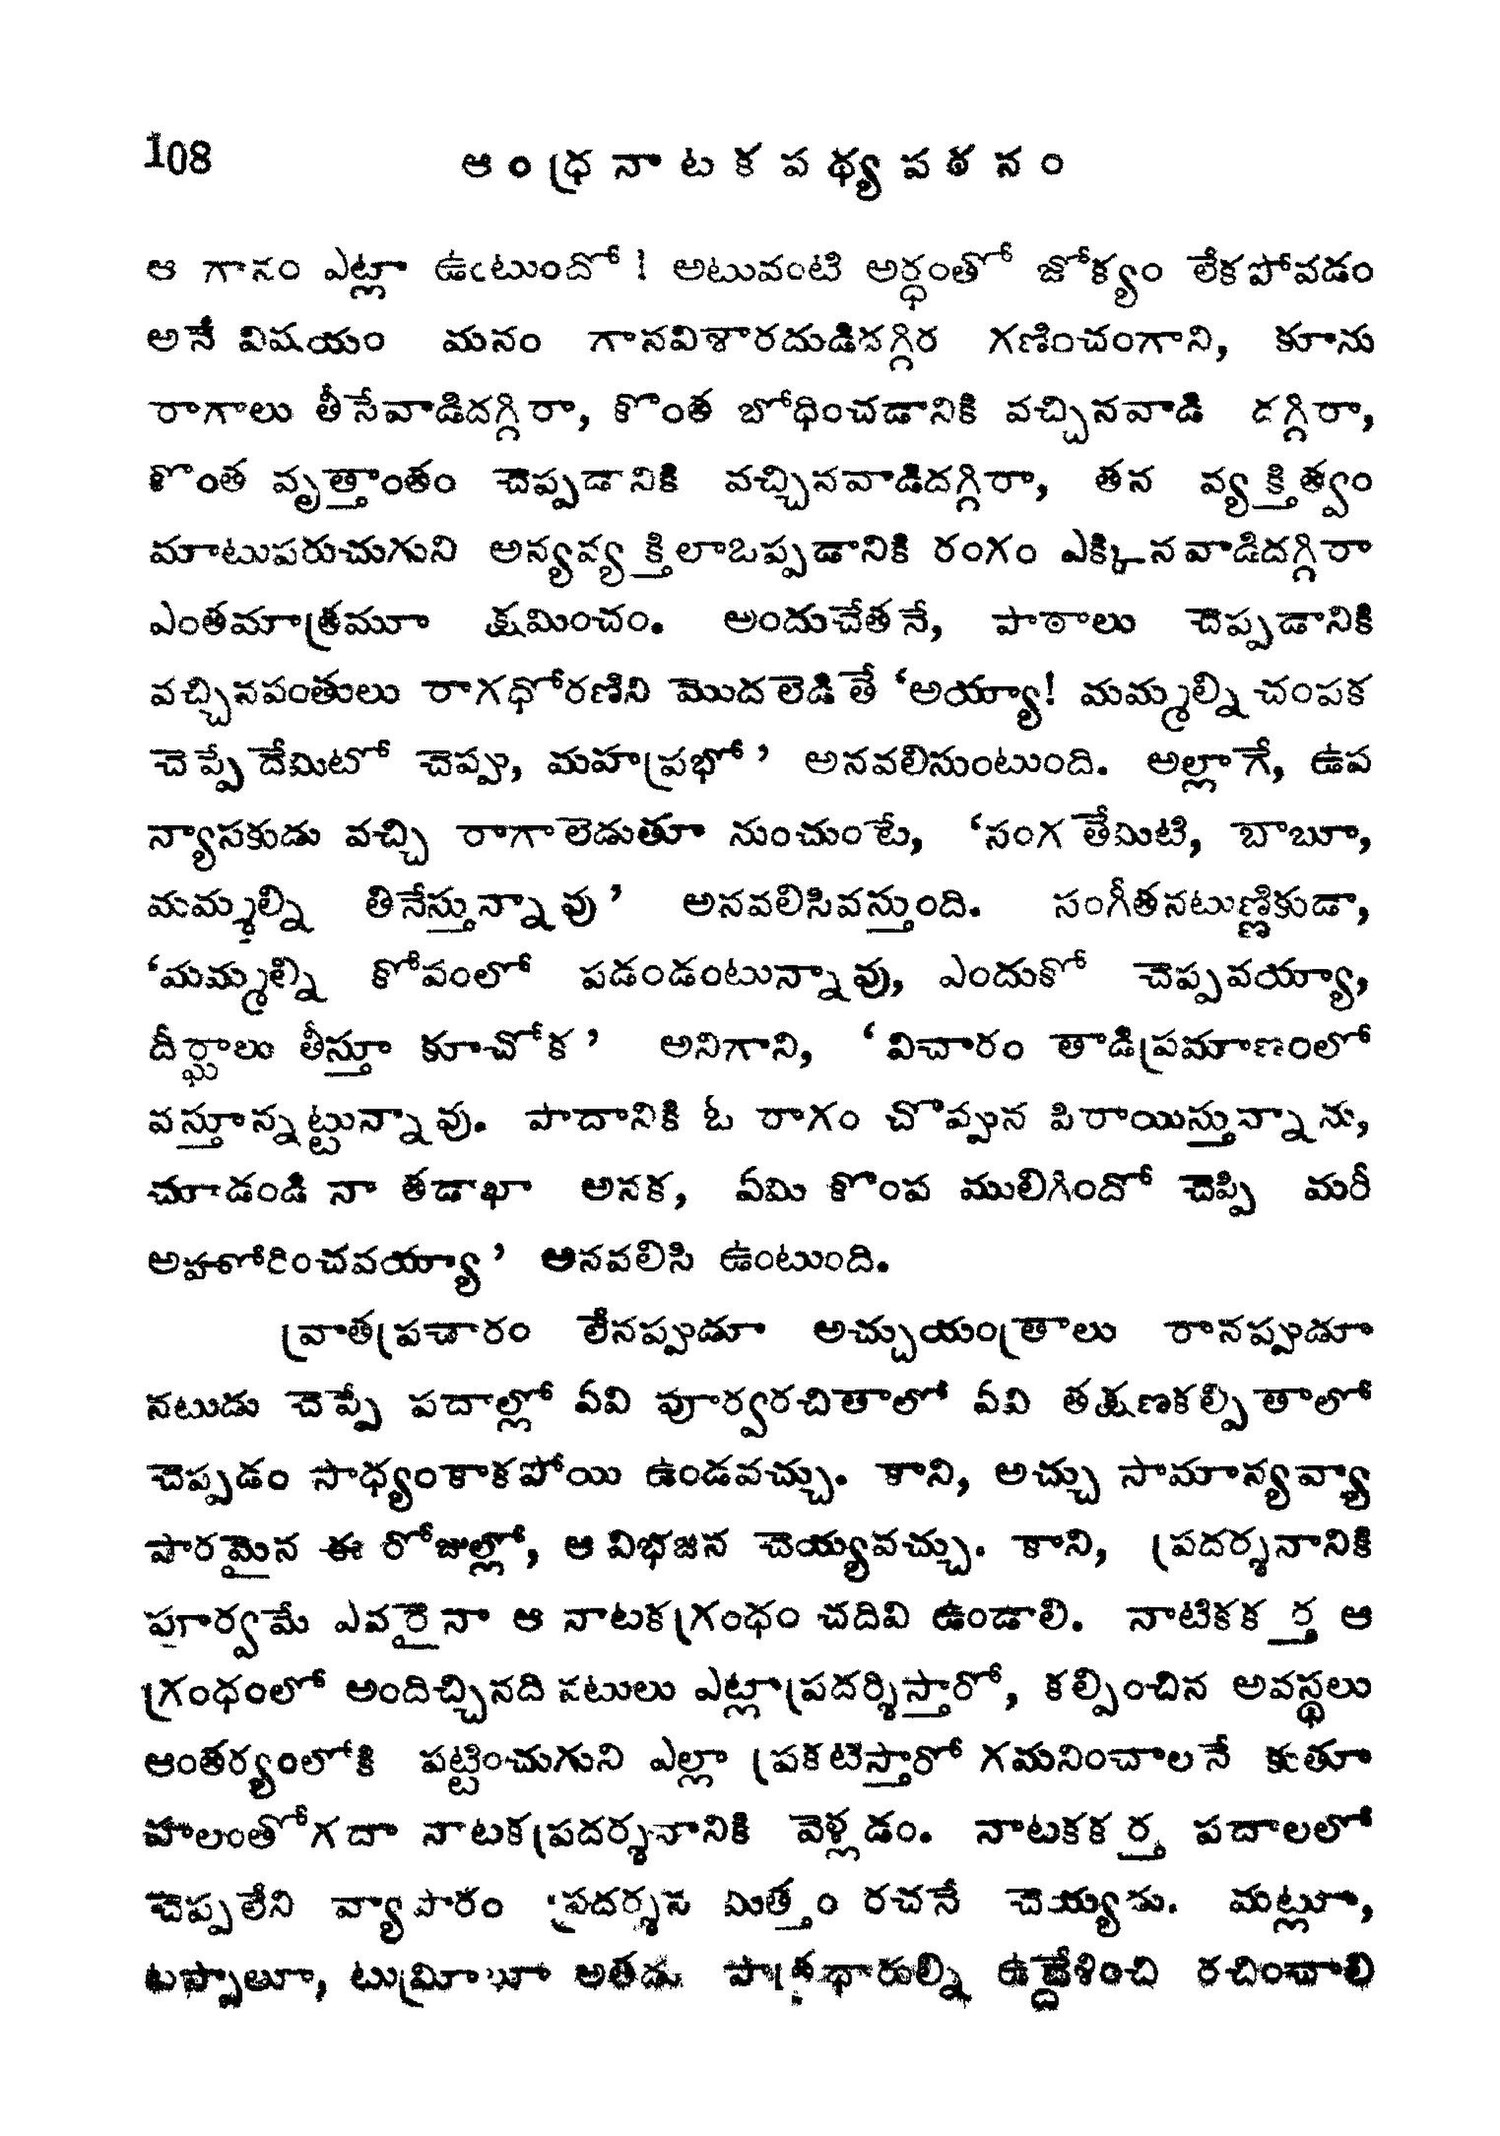ఆ గానం ఎట్లా ఉంటుందో! అటువంటి అర్ధంతో జోక్యం లేకపోవడం
అనే విషయం మనం గానవిశారదుడిదగ్గిర గణించంగాని, కూను
రాగాలు తీసేవాడిదగ్గిరా, కొంత బోధించడానికి వచ్చినవాడి దగ్గిరా,
కొంత వృత్తాంతం చెప్పడానికి వచ్చినవాడిదగ్గిరా, తన వ్యక్తిత్వం
మాటుపరుచుగుని అన్యవ్యక్తిలాఒప్పడానికి రంగం ఎక్కినవాడిదగ్గిరా
ఎంతమాత్రమూ క్షమించం. అందుచేతనే, పాఠాలు చెప్పడానికి
వచ్చినపంతులు రాగధోరణిని మొదలెడితే 'అయ్యా! మమ్మల్ని చంపక
చెప్పే దేమిటో చెప్పు, మహప్రభో' అనవలిసుంటుంది. అల్లాగే, ఉప
న్యాసకుడు వచ్చి రాగాలెడుతూ నుంచుంటే, 'సంగతేమిటి, బాబూ,
మమ్మల్ని తినేస్తున్నావు' అనవలిసివస్తుంది. సంగీతనటుణ్ణికుడా,
'మమ్మల్ని కోపంలో పడండంటున్నావు, ఎందుకో చెప్పవయ్యా,
దీర్ఘాలు తీస్తూ కూచోక' అనిగాని, 'విచారం తాడిప్రమాణంలో
వస్తూన్నట్టున్నావు. పాదానికి ఓ రాగం చొప్పున పిరాయిస్తున్నాను,
చూడండి నా తడాఖా అనక, ఏమి కొంప ములిగిందో చెప్పి మరీ
అహోరించవయ్యా' అనవలిసి ఉంటుంది.

వ్రాతప్రచారం లేనప్పుడూ అచ్చుయంత్రాలు రానప్పుడూ
నటుడు చెప్పే పదాల్లో ఏవి పూర్వరచితాలో ఏవి తక్షణకల్పితాలో
చెప్పడం సాధ్యంకాకపోయి ఉండవచ్చు. కాని, అచ్చు సామాన్యవ్యా
పారమైన ఈ రోజుల్లో, ఆ విభజన చెయ్యవచ్చు. కాని, ప్రదర్శనానికి
పూర్వమే ఎవరైనా ఆ నాటకగ్రంధం చదివి ఉండాలి. నాటికకర్త ఆ
గ్రంధంలో అందిచ్చినది నటులు ఎట్లా ప్రదర్శిస్తారో, కల్పించిన అవస్థలు
ఆంతర్యంలోకి పట్టించుగుని ఎలా ప్రకటిస్తారో గమనించాలనే కుతూ
హలంతోగదా నాటకప్రదర్శనానికి వెళ్లడం. నాటకకర్త పదాలలో
చెప్పలేని వ్యాపారం ప్రదర్శన నిమిత్తం రచనే చెయ్యడు. మట్లూ,
టప్పాలూ, టుమ్రీలూ అతడు పాత్రధారుల్ని ఉద్దేశించి రచించాలి